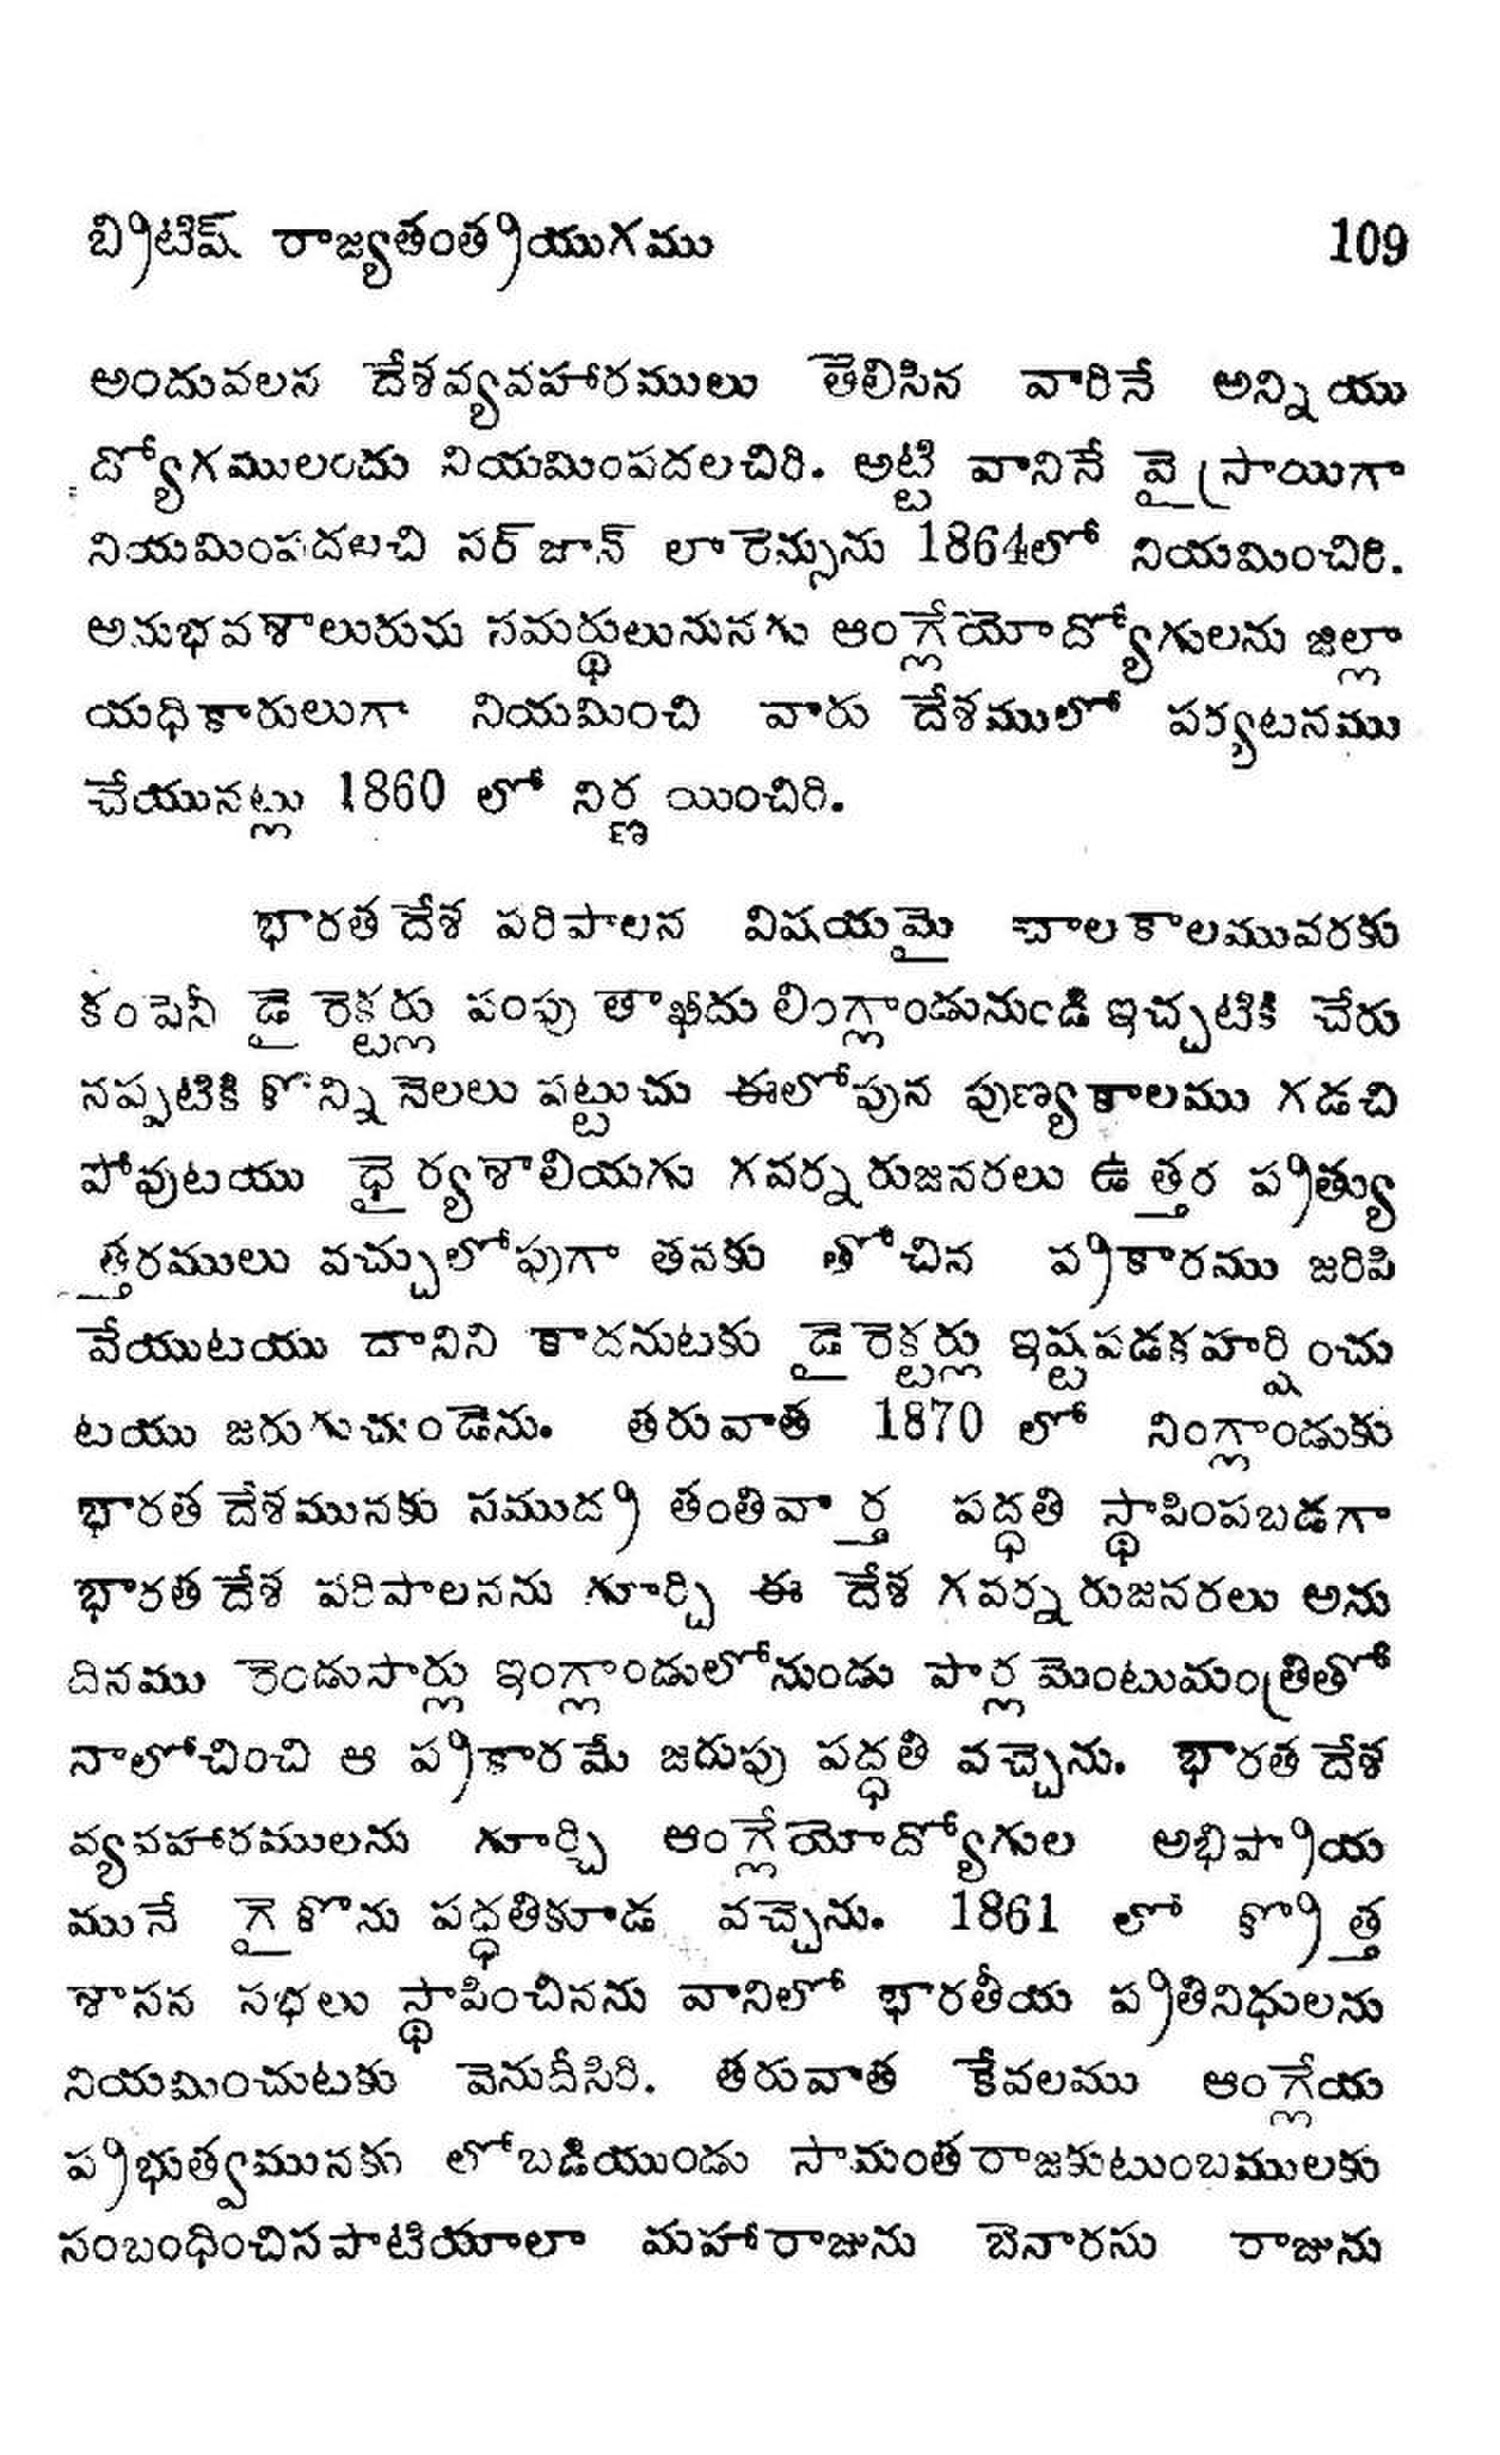అందువలన దేశవ్యవహారములు తెలిసిన వారినే అన్ని యుద్యోగములందు నియమింపదలచిరి. అట్టి వానినే వైస్రాయిగా నియమింపదలచి సర్ జాన్ లారెన్సును 1864లో నియమించిరి. అనుభవశాలురును సమర్థులునునగు ఆంగ్లేయోద్యోగులను జిల్లా యధికారులుగా నియమించి వారు దేశములో పర్యటనము చేయునట్లు 1860 లో నిర్ణ యించిరి.

భారతదేశ పరిపాలన విషయమై చాల కాలమువరకు కంపెనీ డైరెక్టర్లు పంపు తాఖీదు లింగ్లాండునుండి ఇచ్చటికి చేరునప్పటికి కొన్నినెలలు పట్టుచు ఈలోపున పుణ్యకాలము గడచి పోవుటయు ధైర్యశాలియగు గవర్నరుజనరలు ఉత్తర ప్రత్యుత్తరములు వచ్చులోపుగా తనకు తోచిన ప్రకారము జరిపి వేయుటయు దానిని కాదనుటకు డైరెక్టర్లు ఇష్టపడక హర్షించుటయు జరుగుచుండెను. తరువాత 1870 లో నింగ్లాండుకు భారతదేశమునకు సముద్ర తంతివార్త పద్దతి స్థాపింపబడగా భారతదేశ పరిపాలనను గూర్చి ఈ దేశ గవర్నరుజనరలు అనుదినము రెండుసార్లు ఇంగ్లాండులోనుండు పార్లమెంటుమంత్రితో నాలోచించి ఆ ప్రకారమే జరుపు పద్ధతి వచ్చెను. భారతదేశ వ్యవహారములను గూర్చి ఆంగ్లేయోద్యోగుల అభిప్రాయమునే గైకొను పద్దతికూడ వచ్చెను. 1861 లో క్రొత్త శాసన సభలు స్థాపించినను వానిలో భారతీయ ప్రతినిధులను నియమించుటకు వెనుదీసిరి. తరువాత కేవలము ఆంగ్లేయ ప్రభుత్వమునకు లోబడియుండు సామంత రాజకుటుంబములకు సంబంధించినపాటియాలా మహారాజును బెనారసు రాజును